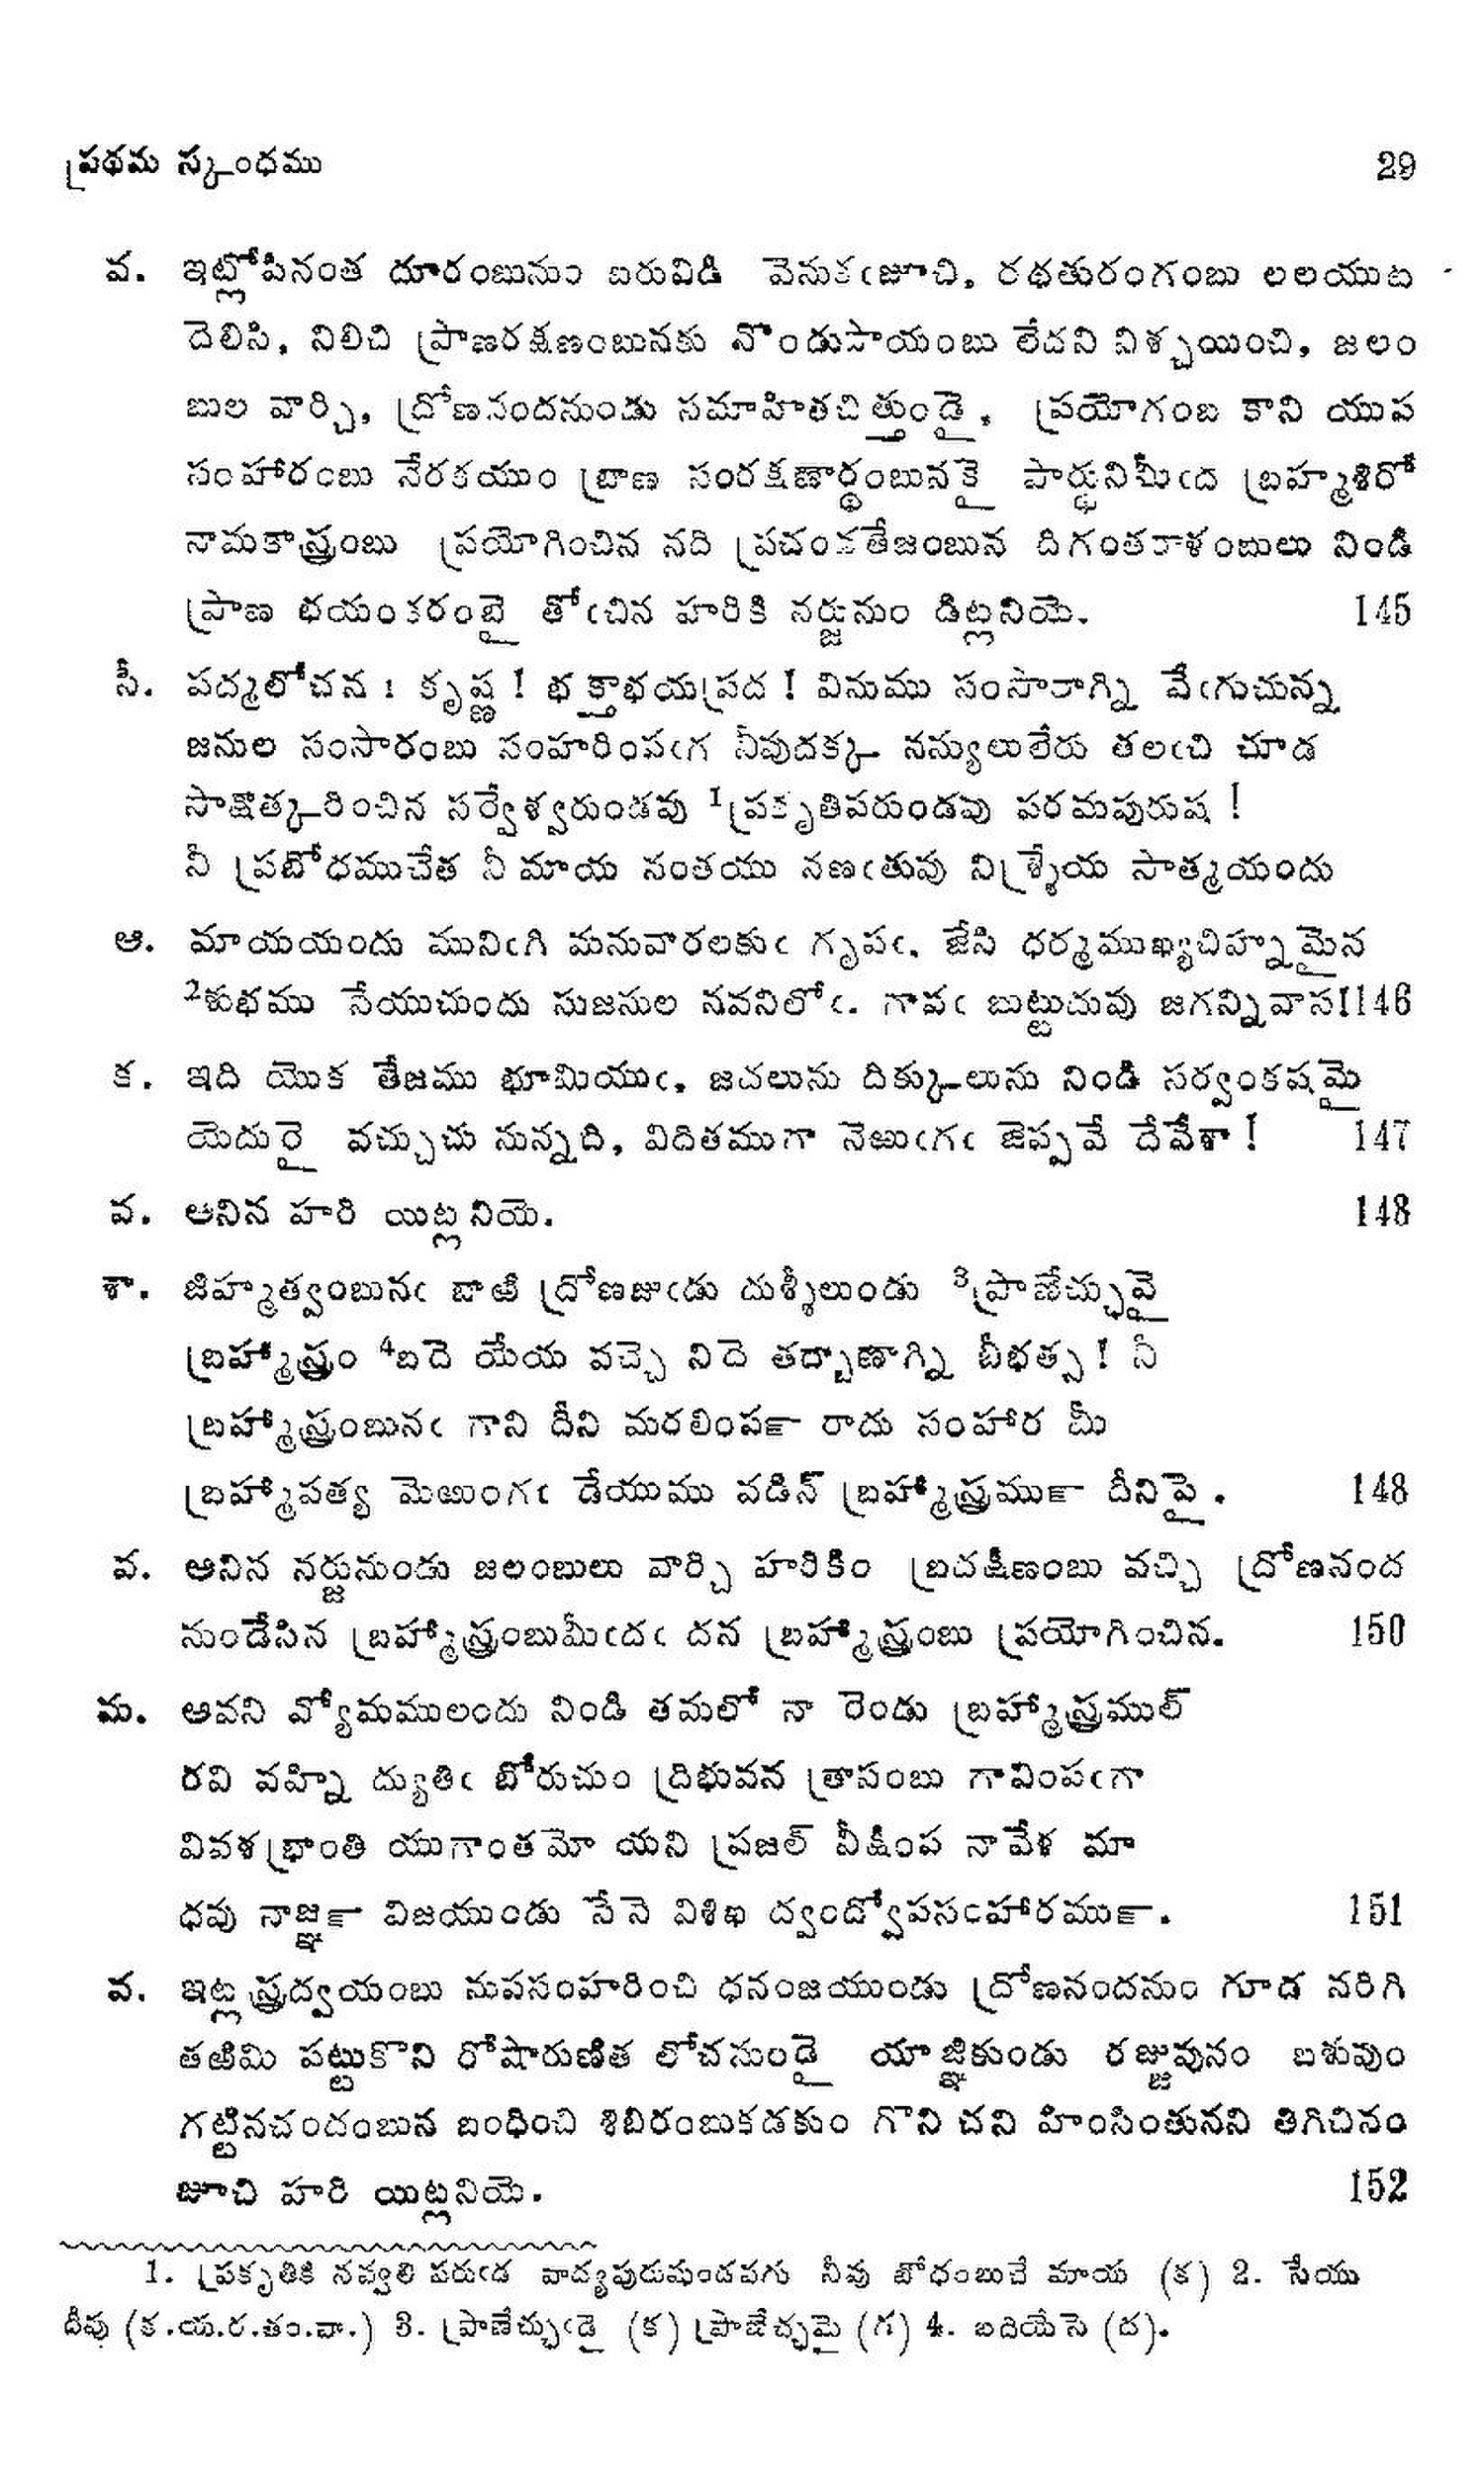29

వ. ఇట్లోపినంత దూరంబునుం బరువిడి వెనుకఁ జూచి రథ తురంగంబు లలయుటఁ దెలిసి, నిలిచి ప్రాణ రక్షణంబునకు నొండుపాయంబు లేదని నిశ్చయించి, జలంబుల వార్చి, ద్రోణనందనుండు సమాహిత చిత్తుండై, ప్రయోగంబ కాని యుపసంహారంబు నేఱకయుం బ్రాణ సంరక్షణార్థంబునకై పార్థుని మీఁద బ్రహ్మశిరోనామకాస్త్రంబుఁ బ్రయోగించిన నది ప్రచండ తేజంబున దిగంతరాళంబులు నిండి ప్రాణ భయంకరంబై తోఁచిన హరికి నర్జునుం డిట్లనియె. (1-145)

సీ. పద్మలోచన ! కృష్ణ ! భక్తాభయప్రద ! వినుము సంసారాగ్ని వేఁగుచున్న
 
జనుల సంసారంబు సంహరింపఁగ నీవు, దక్క నన్యులు లేరు తలఁచి చూడ

సాక్షాత్కరించిన సర్వేశ్వరుండవు, ప్రకృతిపరుండవు పరమపురుష !

నీ ప్రబోధము చేత నీ మాయ నంతయు, నణఁతువు ని:శ్రేయసాత్మ యందు

ఆ.వె. మాయయందు మునిఁగి మనువారలకుఁ గృపఁ , జేసి ధర్మ ముఖ్యచిహ్నమైన

శుభము సేయుచుందు సుజనుల నవనిలోఁ , గావఁ బుట్టుదువు జగన్నివాస ! (1-146)

కం. ఇది యొక తేజము, భూమియుఁ , జదలును దిక్కులును నిండి సర్వంకషమై

యెదురై వచ్చుచు నున్నది, విదితముగా నెఱుగఁ జెప్పవే దేవేశా ! (1-147)

వ. అనిన హరి యిట్లనియె. (1-148)

శా. జిహ్మత్వంబునఁ బాఱి ద్రోణజుఁడు దుశ్శీలుండు ప్రాణేచ్ఛువై

బ్రహ్మాస్త్రంబదె యేయ వచ్చె ; నిదె తద్బాణాగ్ని బీభత్స ! నీ

బ్రహ్మాస్త్రంబునఁ గాని దీని మఱలింపన్ రాదు ; సంహార మీ

బ్రహ్మాపత్య మెఱుంగఁ ; డేయుము వడిన్ బ్రహ్మాస్త్రమున్ దీనిపై. (1-149)

వ. అనిన నర్జునుండు జలంబులు వార్చి హరికిం బ్రదక్షిణంబు వచ్చి ద్రోణనందనుం డేసిన బ్రహ్మశిరోనామకాస్త్రంబు మీఁదఁ దన బ్రహ్మాస్త్రంబుఁ బ్రయోగించిన. (1-150)

మ. అవని వ్యోమములందు నిండి తమలో నా రెండు బ్రహ్మాస్త్రముల్

రవి వహ్నిద్యుతిఁ బోరుచుం ద్రిభువన త్రాసంబుఁ గావింపఁగా

వివశ భ్రాంతి యుగాంతమో యని ప్రజల్ వీక్షింప నా వేళ మా

ధవు నాజ్ఞన్ విజయుండు సేసె విశిఖద్వంద్వోపసంహారమున్. (1-151)

వ. ఇ ట్లస్త్రద్వయంబు నుపసంహరించి ధనంజయుండు ద్రోణనందనుం గూడ నరిగి తఱిమి పట్టుకొని రోషారుణిత లోచనుండై యాజ్ఞికుండు రజ్జువునం బశువుం గట్టిన చందంబున బంధించి శిబిరంబు కడకుం గొని చని హింసింతునని తిగిచినం జూచి హరి ఇట్లనియె. (1-152)